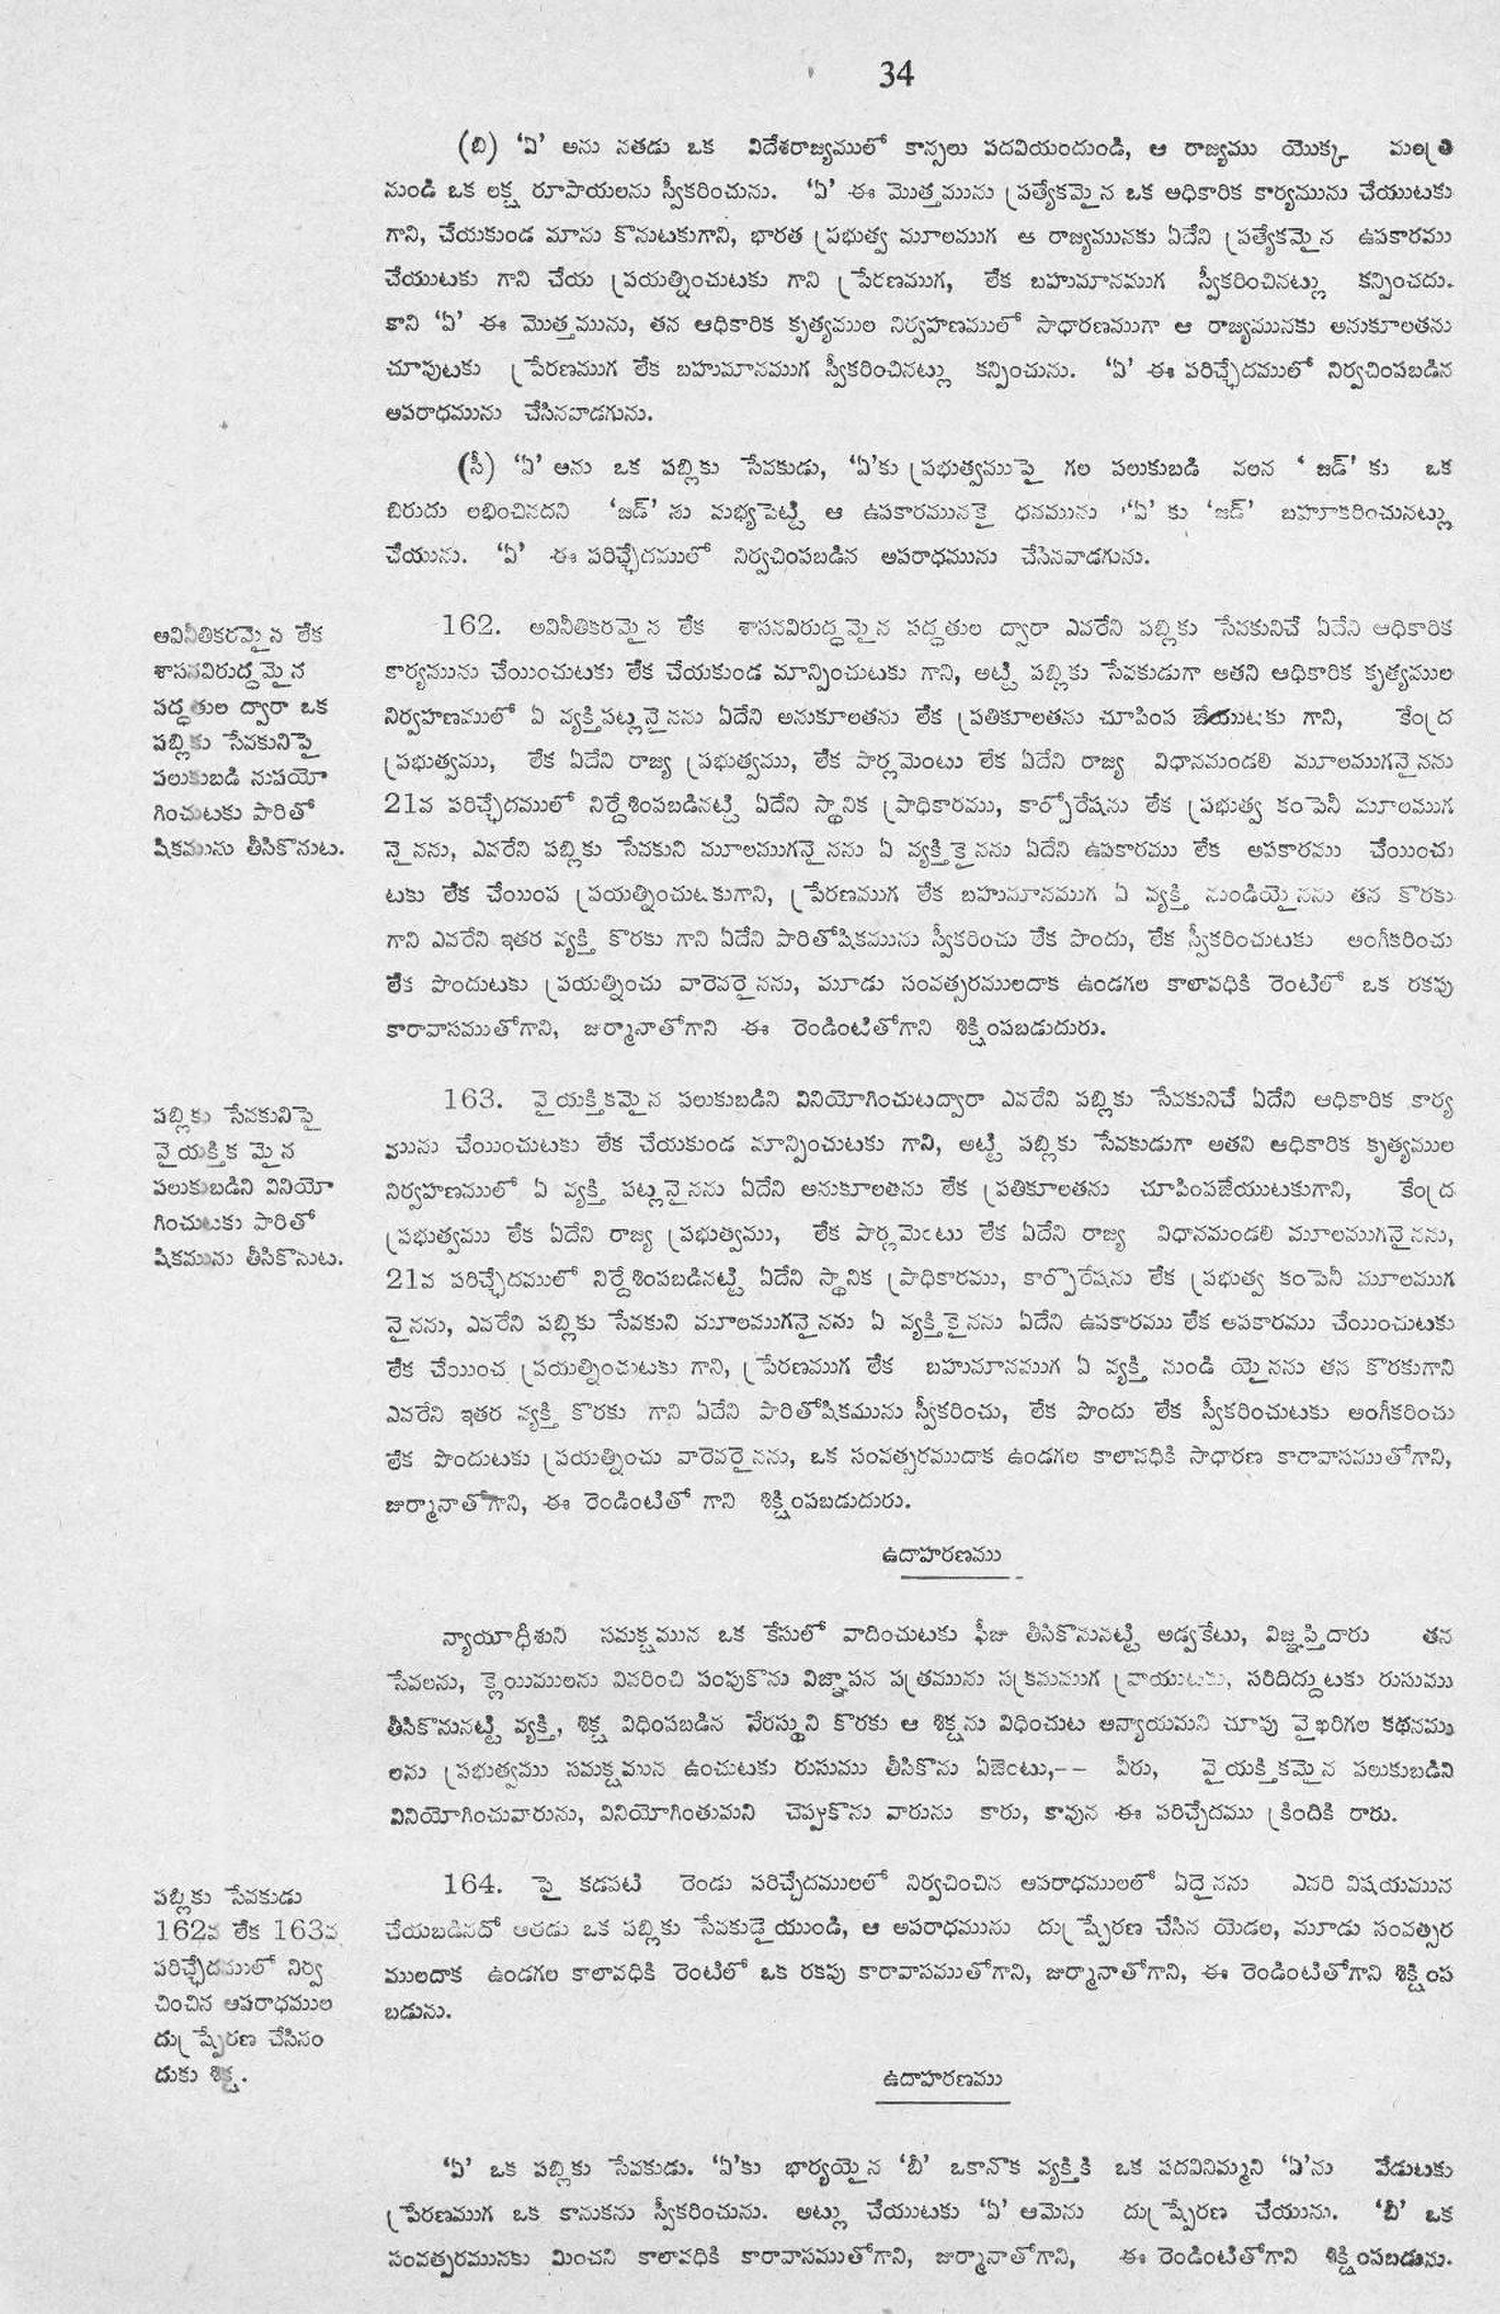(బి) 'ఏ' అను నతడు ఒక విదేశరాజ్యములో కాన్సలు పదవియందుండి, ఆ రాజ్యము యొక్క మంత్రి నుండి ఒక లక్ష రూపాయలను స్వీకరించును. 'ఏ' ఈ మొత్తమును ప్రత్యేకమైన ఒక అధికారిక కార్యమును చేయుటకు గాని, చేయకుండ మాను కొనుటకుగాని, భారత ప్రభుత్వ మూలముగ ఆ రాజ్యమునకు ఏదేని ప్రత్యేకమైన ఉపకారము చేయుటకు గాని చేయ ప్రయత్నించుటకు గాని ప్రేరణముగ, లేక బహుమానముగ స్వీకరించినట్లు కన్పించదు. కాని 'ఏ' ఈ మొత్తమును, తన ఆధికారిక కృత్యముల నిర్వహణములో సాధారణముగా ఆ రాజ్యమునకు అనుకూలతను చూపుటకు ప్రేరణముగ లేక బహుమానముగ స్వీకరించినట్లు కన్పించును. 'ఏ' ఈ పరిచ్ఛేదములో నిర్వచింపబడిన అపరాధమును చేసినవాడగును.

(సీ) 'ఏ' అను ఒక పబ్లికు సేవకుడు, 'ఏ'కు ప్రభుత్వము పై గల పలుకుబడి వలన 'జడ్'కు ఒక బిరుదు లభించినదని 'జడ్' ను మభ్య పెట్టి ఆ ఉపకారమునకై ధనమును 'ఏ' కు 'జడ్' బహూకరించునట్లు చేయును. 'ఏ' ఈ పరిచ్ఛేగములో నిర్వచింపబడిన అపరాధమును చేసిన వాడగును.

అవినీతికరమైన లేక శాసనవిరుద్ధమైన పద్ధతుల ద్వారా ఒక పబ్లికు సేవకునిపై పలుకుబడి నుపయోగించుటకు 
పారితోషికమును తీసికొనుట.

162. అవినీతికరమైన లేక శాసనవిరుద్ధమైన పద్ధతుల ద్వారా ఎవరేని పబ్లికు సేనకునిచే ఏవేని ఆధికారిక కార్యమును చేయించుటకు లేక చేయకుండ మాన్పించుటకు గాని, అట్టి పబ్లికు సేవకుడుగా అతని ఆధికారిక కృత్యముల
నిర్వహణములో ఏ వ్యక్తి పట్ల నైనను ఏదేని అనుకూలతను లేక ప్రతికూలతను చూపింప జేయుటకు గాని, కేంద్ర
ప్రభుత్వము, లేక ఏదేని రాజ్య ప్రభుత్వము, లేక పార్లమెంటు లేక ఏదేని రాజ్య విధానమండలి మూలముగనైనను
21వ పరిచ్ఛేదములో నిర్దేశింపబడినట్టి ఏదేని స్థానిక ప్రాధికారము, కార్పోరేషను లేక ప్రభుత్వ కంపెనీ మూలముగ నైనను, ఎవరేని పబ్లికు సేవకుని మూలముగనై నను ఏ వ్యక్తి కైనను ఏదేని ఉపకారము లేక అపకారము చేయించుటకు లేక చేయింప ప్రయత్నించుటకుగాని, ప్రేరణముగ లేక బహుమానముగ ఏ వ్యక్తి నుండియైనను తన కొరకు గాని ఎవరేని ఇతర వ్యక్తి కొరకు గాని ఏదేని పారితోషికమును స్వీకరించు లేక పొందు, లేక స్వీకరించుటకు అంగీకరించు లేక పొందుటకు ప్రయత్నించు వారెవరైనను, మూడు సంవత్సరములదాక ఉండగల కాలావధికి రెంటిలో ఒక రకపు కారావాసముతోగాని, జుర్మానాతోగాని ఈ రెండింటితోగాని శిక్షింపబడుదురు.

పబ్లికు సేవకునిపై వైయక్తిక మైన పలుకుబడిని వినియోగించుటకు పారితోషికమును తీసికొనుట.

163. వైయక్తి కమైన పలుకుబడిని వినియోగించుట ద్వారా ఎవరేని పబ్లికు సేవకునిచే ఏదేని ఆధికారిక కార్యమును చేయించుటకు లేక చేయకుండ మాన్పించుటకు గాని, అట్టి పబ్లికు సేవకుడుగా అతని ఆధికారిక కృత్యముల
నిర్వహణములో ఏ వ్యక్తి పట్ల నైనను ఏదేని అనుకూలతను లేక ప్రతికూలతను చూపింపజేయుటకుగాని, కేంద్ర
ప్రభుత్వము లేక ఏదేని రాజ్య ప్రభుత్వము, లేక పార్లమెంటు లేక ఏదేని రాజ్య విధానమండలి మూలముగనైనను,
21వ పరిచ్ఛేదములో నిర్దేశింపబడినట్టి ఏదేని స్థానిక ప్రాధికారము, కార్పొరేషను లేక ప్రభుత్వ కంపెనీ మూలముగ
నైనను, ఎవరేని పబ్లికు సేవకుని మూలముగనైనను ఏ వ్యక్తి కైనను ఏదేని ఉపకారము లేక అపకారము చేయించుటకు
లేక చేయించ ప్రయత్నించుటకు గాని, ప్రేరణముగ లేక బహుమానముగ ఏ వ్యక్తి నుండి యైనను తన కొరకుగాని
ఎవరేని ఇతర వ్యక్తి కొరకు గాని ఏదేని పారితోషికమును స్వీకరించు, లేక పొందు లేక స్వీకరించుటకు అంగీకరించు
లేక పొందుటకు ప్రయత్నించు వారెవరైనను, ఒక సంవత్సరముదాక ఉండగల కాలావధికి సాధారణ కారావాసముతోగాని,
జుర్మానాతో గాని, ఈ రెండింటితో గాని శిక్షింపబడుదురు.

న్యాయాధీశుని సమక్షమున ఒక కేసులో వాదించుటకు ఫీజు తీసికొనునట్టి అడ్వకేటు, విజ్ఞప్తి దారు తన సేవలను, క్లెయిములను వివరించి పంపుకొను విజ్ఞాపన పత్రమును సక్రమముగ వ్రాయుటకు, సరిదిద్దుటకు రుసుము
తీసికొనునట్టి వ్యక్తి , శిక్ష విధింపబడిన నేరస్థుని కొరకు ఆ శిక్షను విధించుట అన్యాయమని చూపు వైఖరిగల కథనము
లను ప్రభుత్వము సమక్షమున ఉంచుటకు రుసుము తీసికొను ఏజెంటు, - వీరు, వైయక్తి కమైన పలుకుబడిని
వినియోగించువారును, వినియోగింతుమని చెప్పుకొను వారును కారు, కావున ఈ పరిచ్చేదము క్రిందికి రారు.

పబ్లికు సేవకుడు 162వ లేక 163వ పరిచ్ఛేదములో నిర్వచించిన అపరాధముల దుష్ప్రేరణ చేసినందుకు శిక్ష

164. పై కడపటి రెండు పరిచ్చేదములలో నిర్వచించిన అపరాధములలో ఏదైనను ఎవరి విషయమున చేయబడినదో ఆతడు ఒక పబ్లికు సేవకుడై యుండి, ఆ అపరాధమును దుష్ప్రేరణ చేసిన యెడల, మూడు సంవత్సరములదాక ఉండగల కాలావధికి రెంటిలో ఒక రకపు కారావాసముతోగాని, జుర్మానాతోగాని, ఈ రెండింటితోగాని శిక్షింపబడును.

'ఏ' ఒక పబ్లికు సేవకుడు. 'ఏ'కు భార్యయైన 'బీ' ఒకానొక వ్యక్తికి ఒక పదవినిమ్మని 'ఏ'ను వేడుటకు ప్రేరణముగ ఒక కానుకను స్వీకరించును. అట్లు చేయుటకు 'ఏ' ఆమెను దుష్ప్రేరణ చేయును. 'బి' ఒక సంవత్సరమునకు మించని కాలావధికి కారావాసముతోగాని, జుర్మానాతో గాని, ఈ రెండింటితోగాని శిక్షింపబడును.